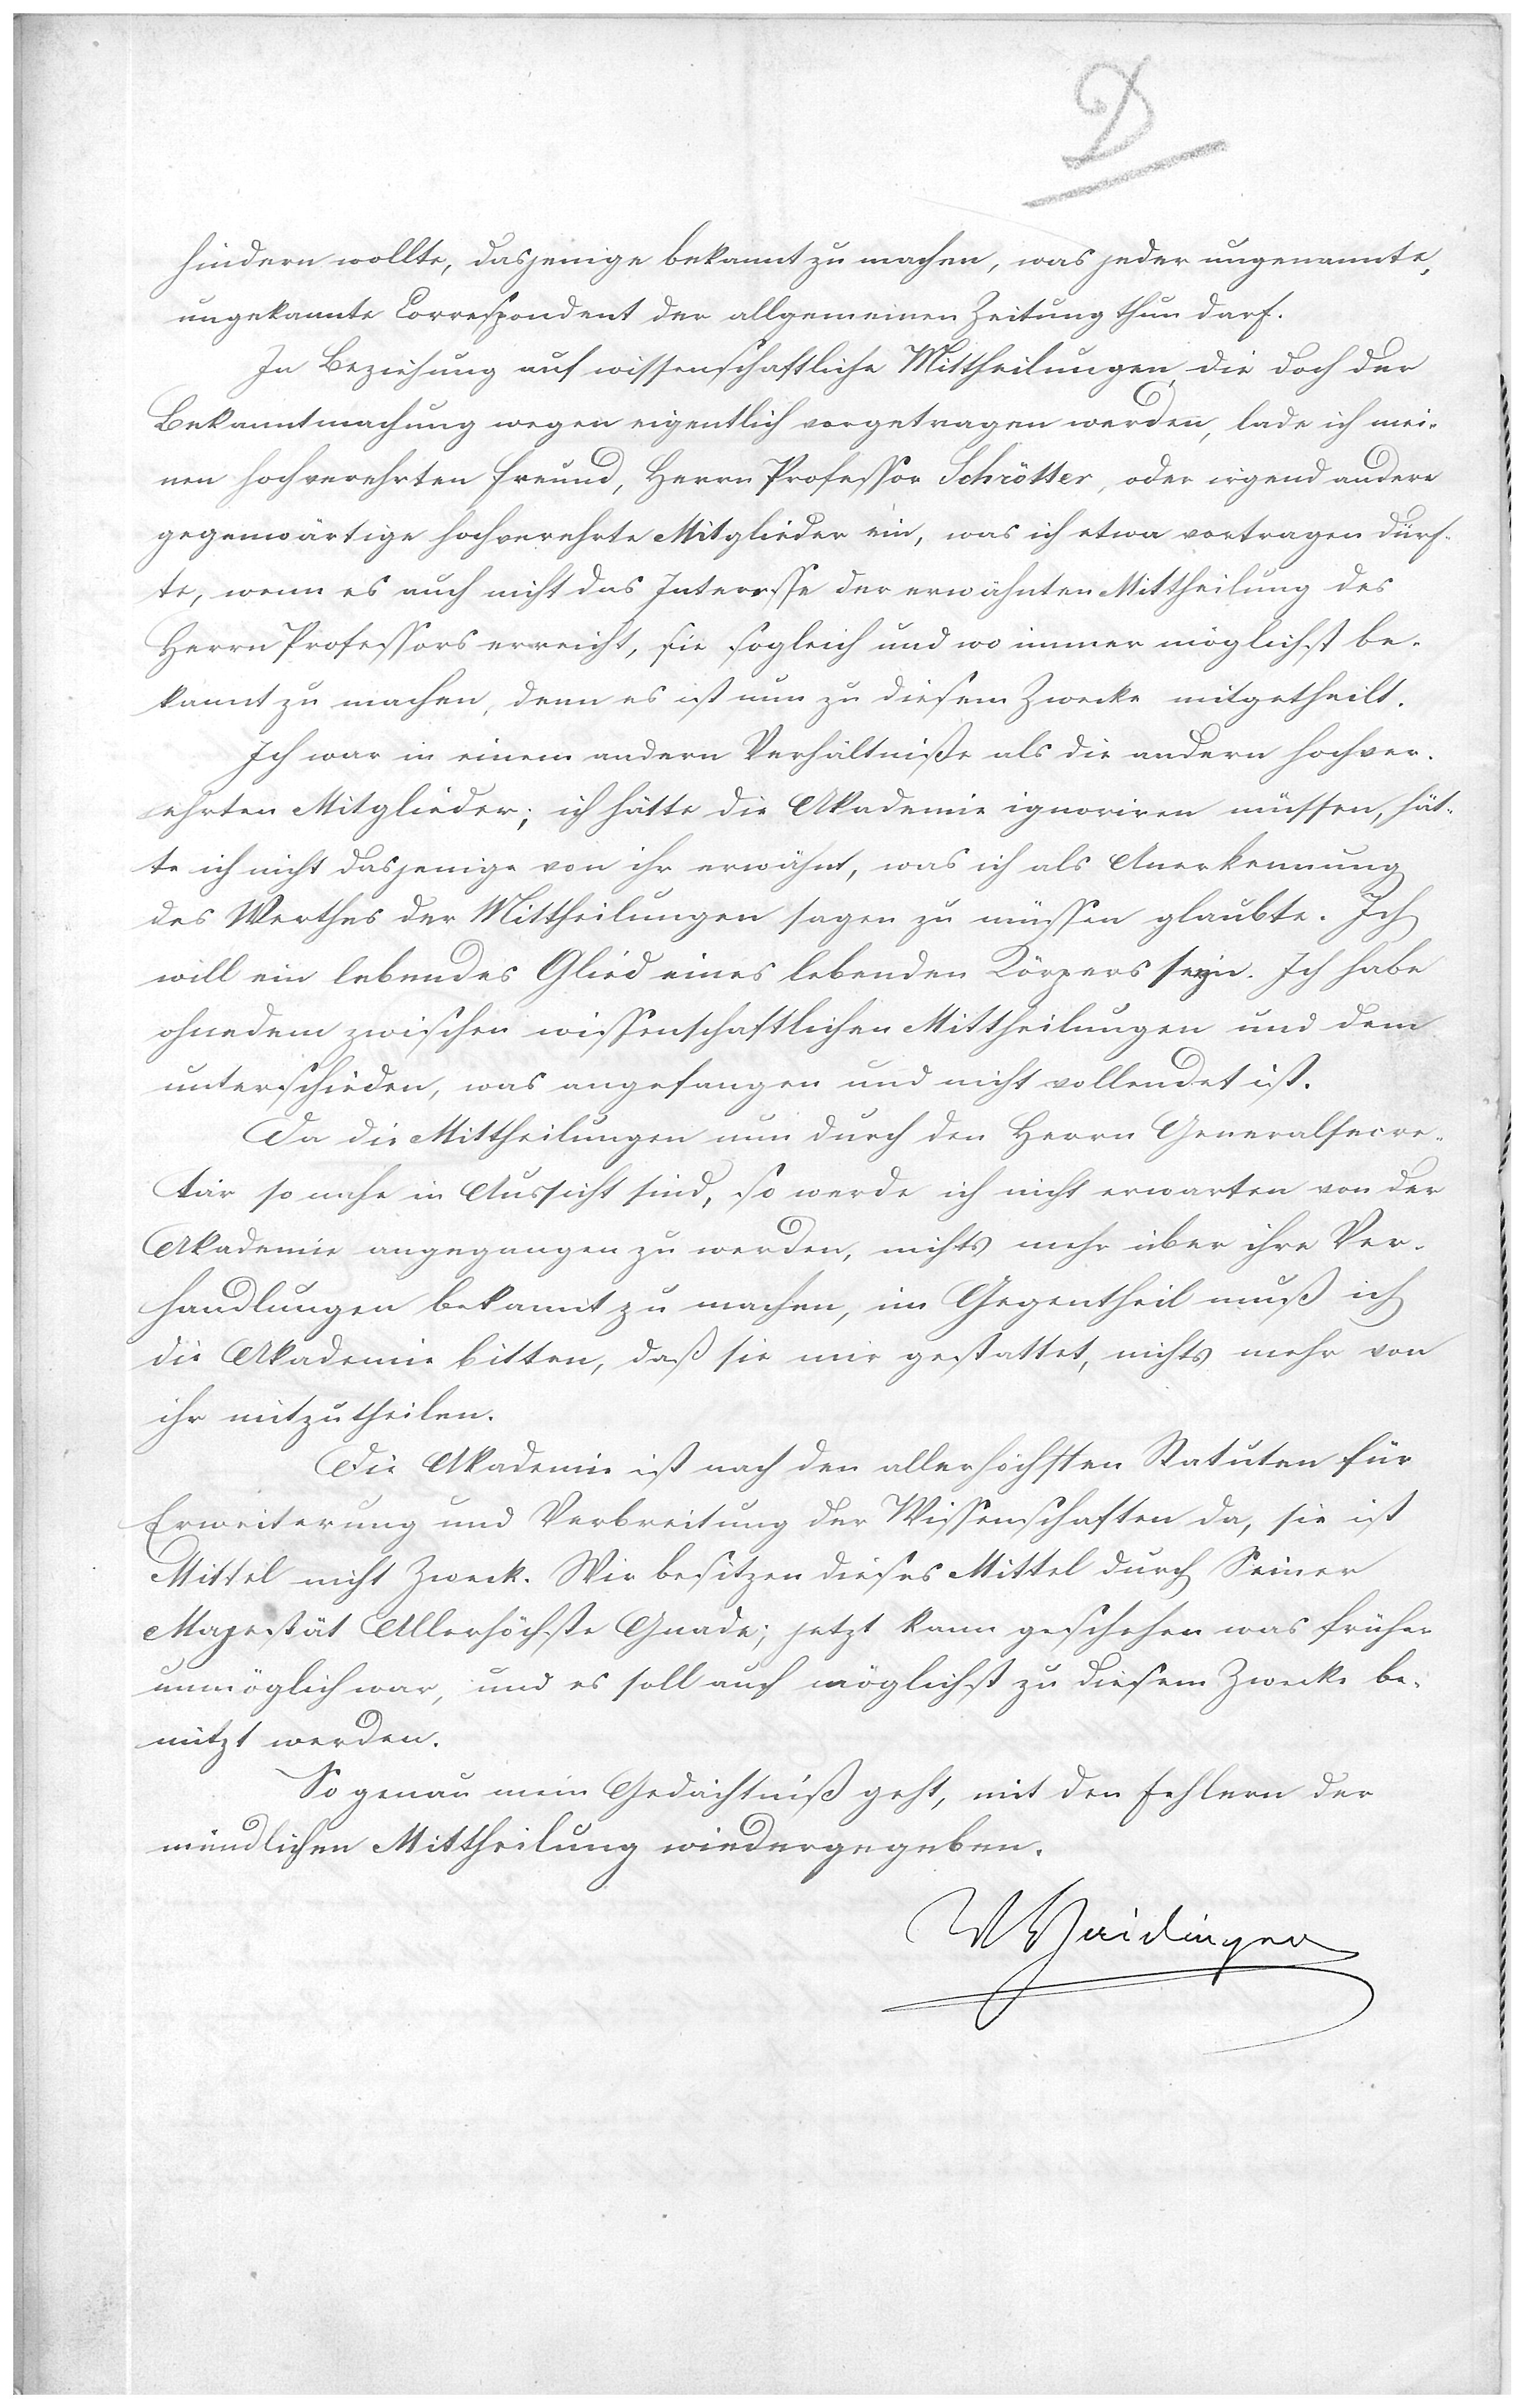hindern wollte, dasjenige bekannt zu machen, was jeder ungenannte,
ungekannte Correspondent der allgemeinen Zeitung thun darf.
In Beziehung auf wissenschaftliche Mittheilungen, die doch der
Bekanntmachung wegen eigentlich vorgetragen werden, lade ich mei-
nen hochverehrten Freund, Herrn Professor Schrötter, oder irgend andere
gegenwärtige hochverehrte Mitglieder ein, was ich etwa vorgetragen dürf-
te, wenn es auch nicht das Interesse der erwähnten Mittheilung des
Herrn Professors erreicht, sie sogleich und wo immer möglichst be-
kannt zu machen, denn es ist nun zu diesem Zwecke mitgetheilt.
Ich war in einem andern Verhältnisse als die andern hochver-
ehrten Mitglieder; ich hätte die Akademie ignoriren müssen, hät-
te ich nicht dasjenige von ihr erwähnt, was ich als Anerkennung
des Werthes der Mittheilungen sagen zu müssen glaubte. Ich
will ein lebendes Glied eines lebenden Körpers seyn. Ich habe
ohnedem zwischen wissenschaftlichen Mittheilungen und dem
unterschieden, was angefangen und nicht vollendet ist.
Da die Mittheilungen nun durch den Herrn Generalsecre-
tär so mehr in Aussicht sind, so werde ich nicht erwarten von der
Akademie angegangen zu werden, nichts mehr über ihre Ver-
handlungen bekannt zu machen, im Gegentheil muß ich
die Akademie bitten, daß sie mir gestattet, nichts mehr von
ihr mitzutheilen.
Die Akademie ist nach dem allerhöchsten Statuten für
Erweiterung und Verbreitung der Wissenschaften da, sie ist
Mittel nicht Zweck. Wir besitzen dieses Mittel durch Seiner
Majestät Allerhöchste Gnade; jetzt kann geschehen was früher
unmöglich war, und es soll auch möglichst zu diesem Zwecke be-
nutzt werden.
So genau mein Gedächtniß geht, mit den Fehlern der
mündlichen Mittheilung wiedergegeben.
W Haidinger